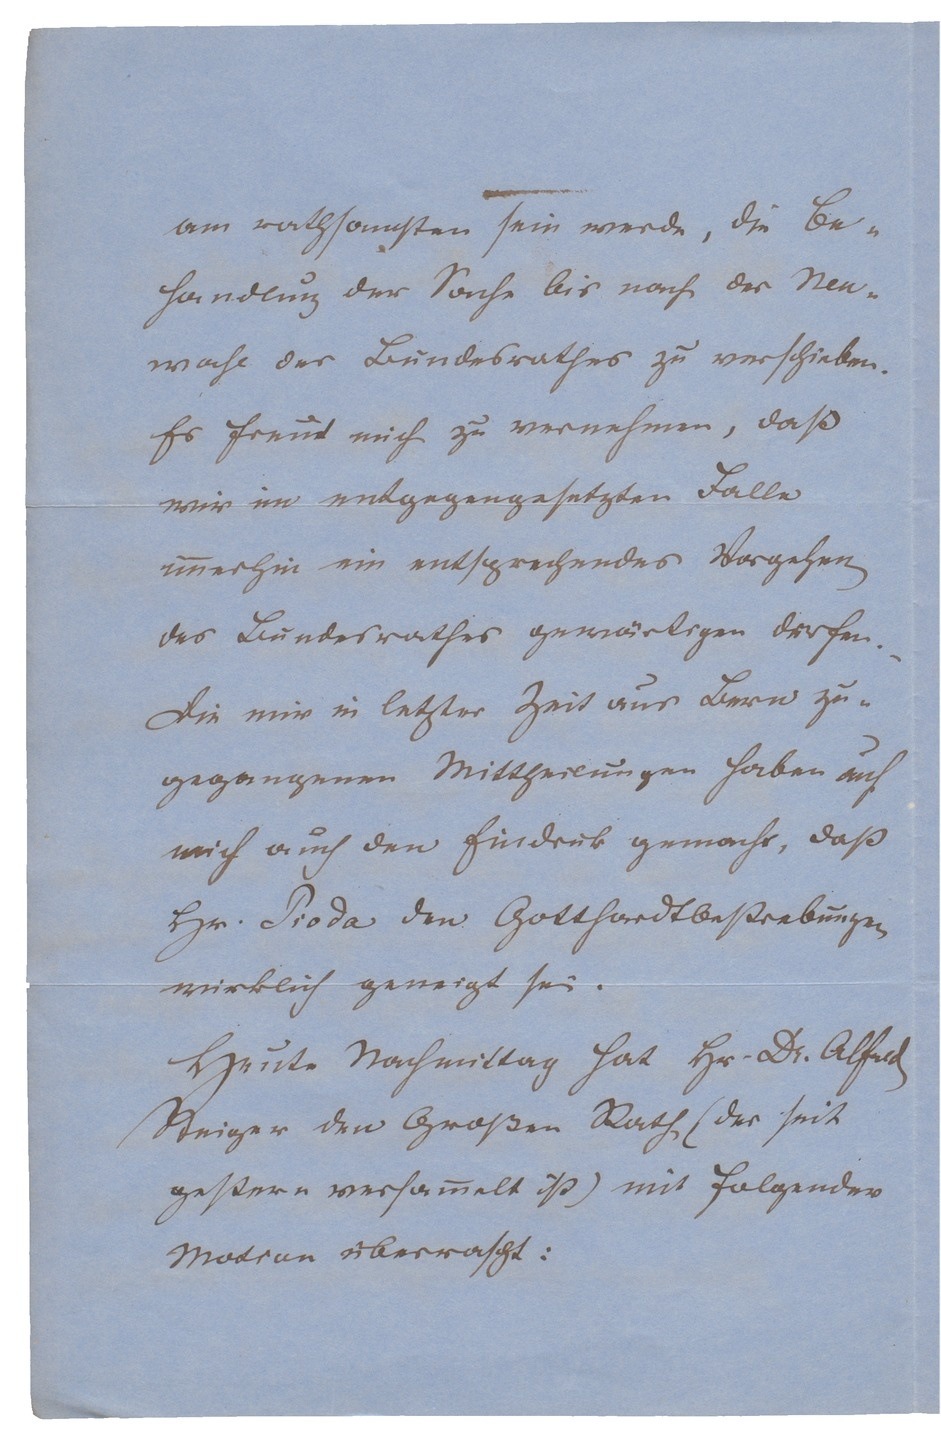am rathsamsten sein werde, die Be-
handlung der Sache bis nach der Neu-
wahl des Bundesrathes zu verschieben.
Es freut mich zu vernehmen, daß
wir im entgegengesetzten Falle
immerhin ein entsprechendes Vorgehen
des Bundesrathes gewärtigen dürfen. –
Die mir in letzter Zeit aus Bern zu-
gegangenen Mittheilungen haben auf
mich auch den Eindruk gemacht, daß
Hr. Pioda den Gotthardtbestrebungen
wirklich geneigt sei.
Heute Nachmittag hat Hr. Dr. Alfred
Steiger den Großen Rath (der seit
gestern versammelt ist) mit folgender
Motion überrascht: